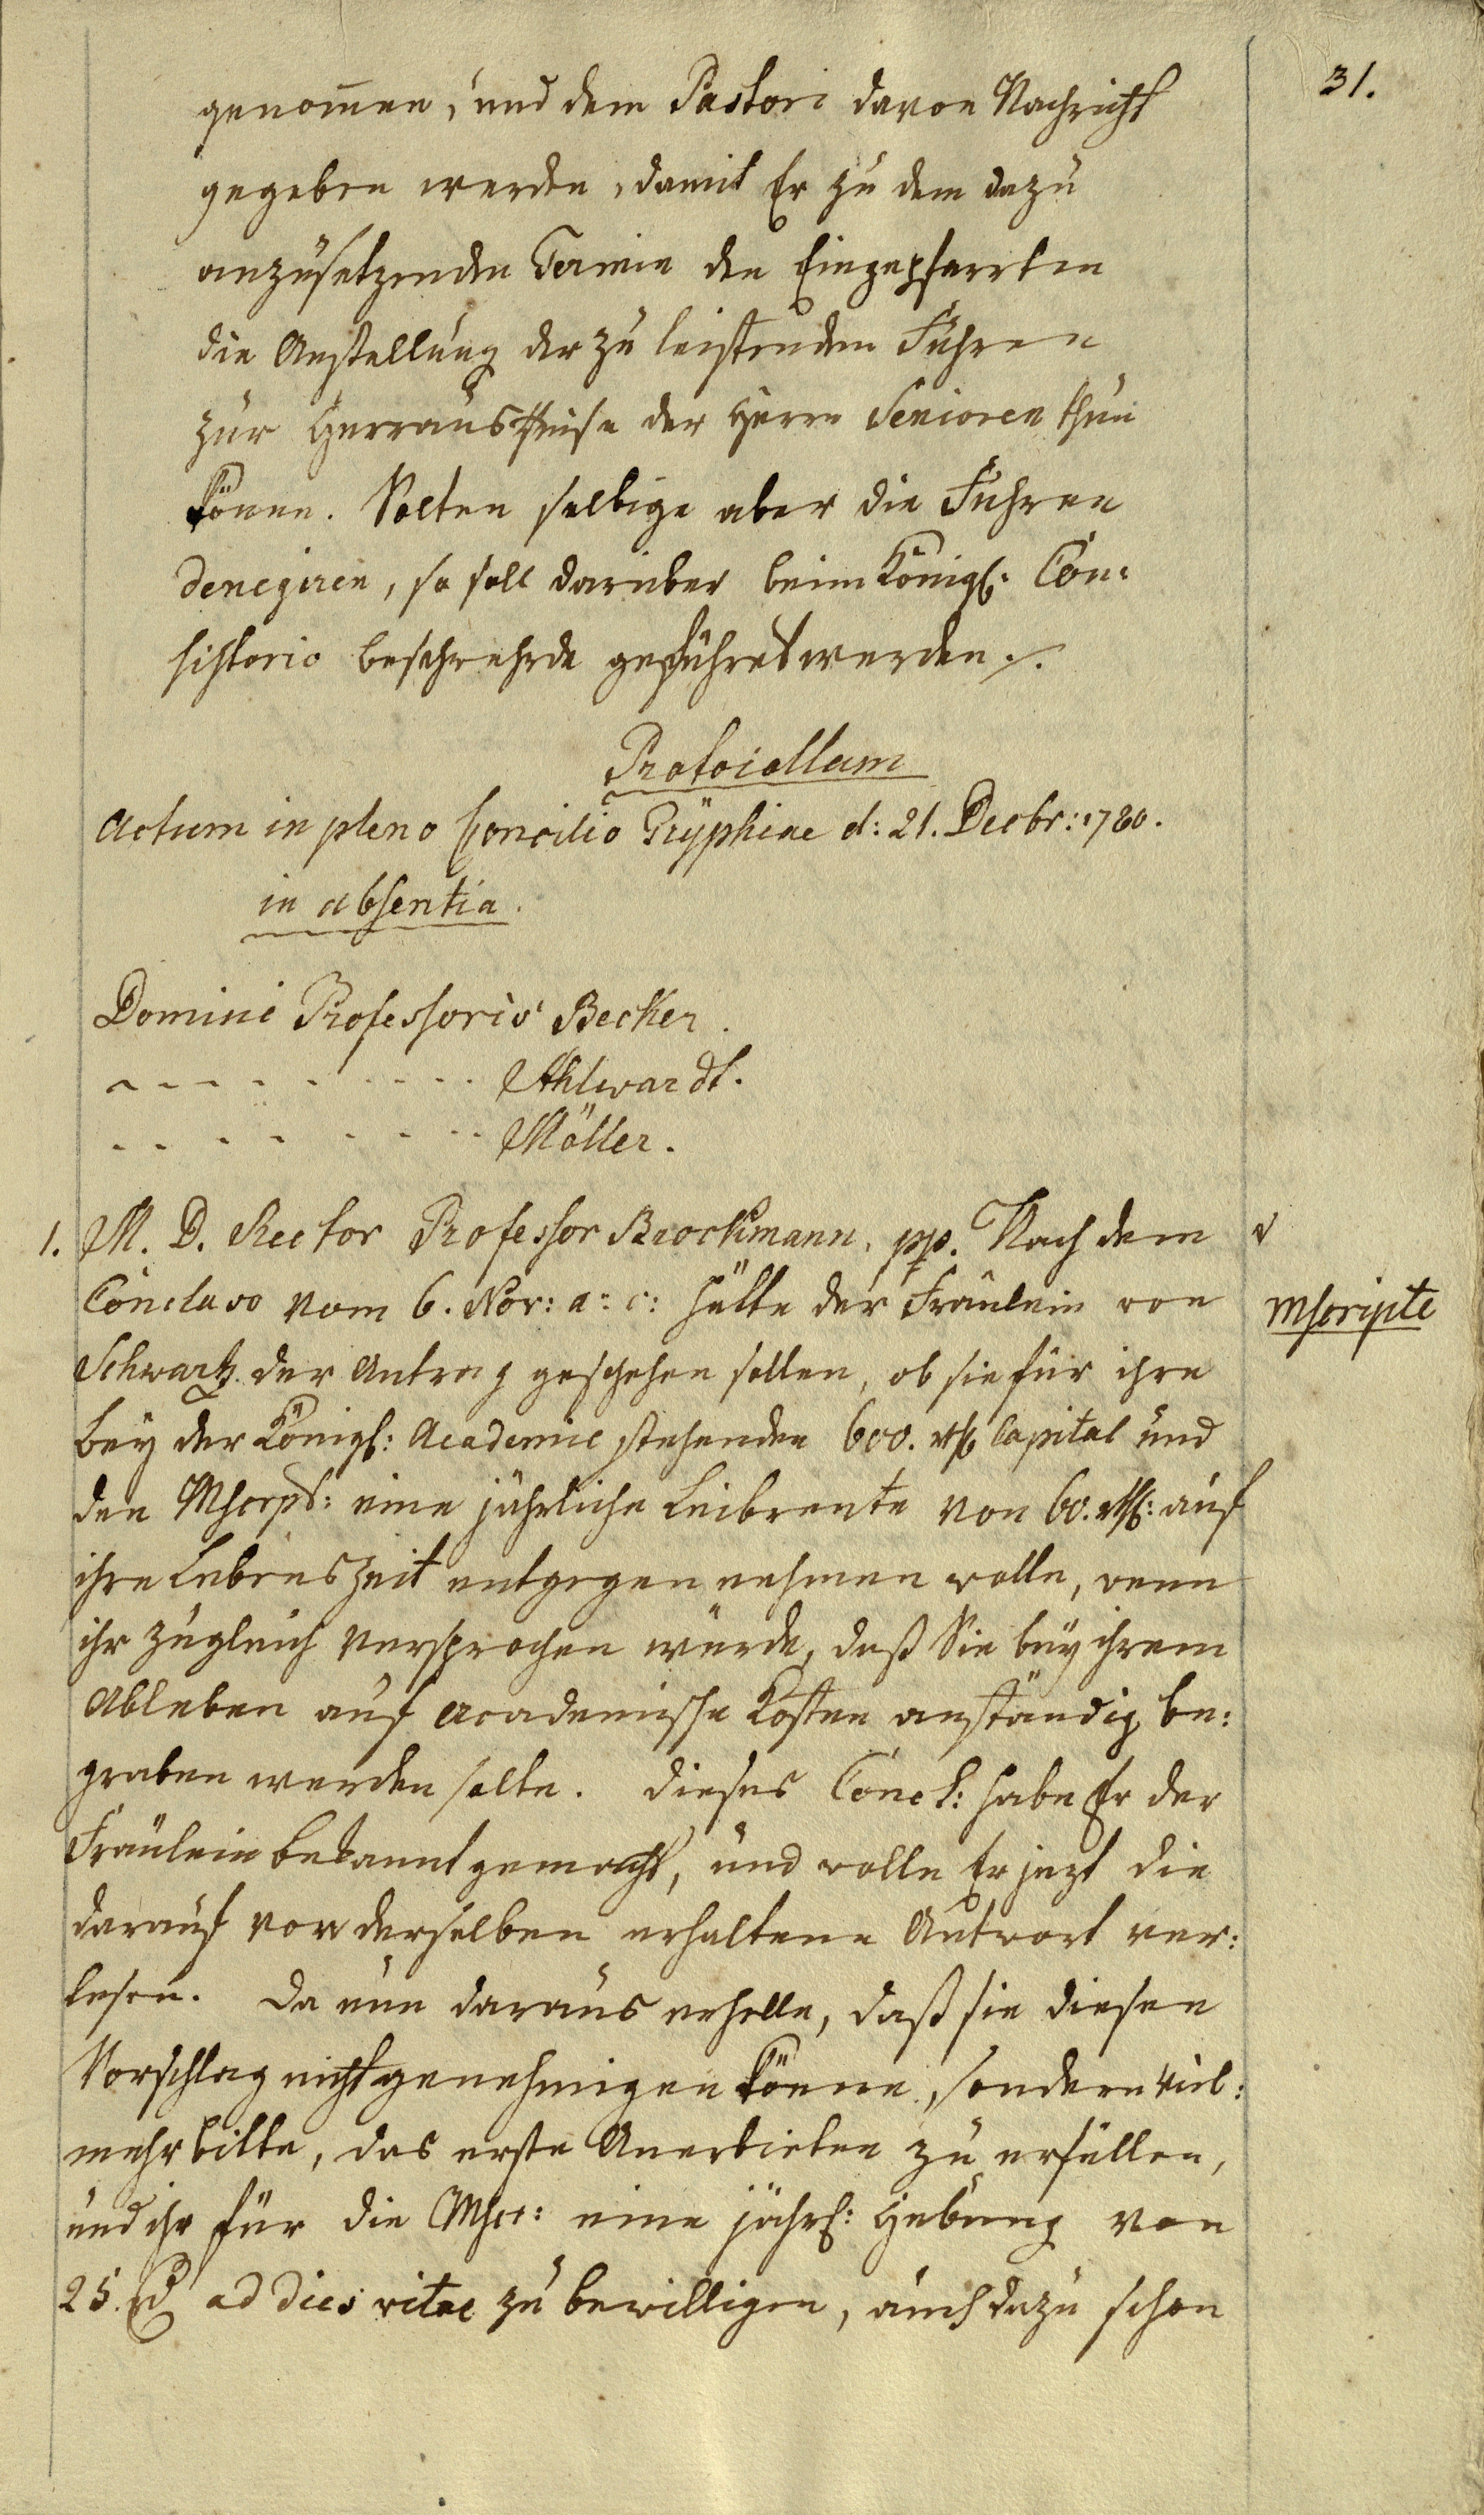genomen, und dem Pastori davon Nachricht
gegeben werden, damit Er zu dem dazu
anzusetzenden Termin den Eingepfarrten
die Anstellung der zu leistenden Fuhren
zur HerrausReise der Herrn Senioren thun
könne. Solten selbige aber die Fuhren
denegiren, so soll darüber beim Königl. Con¬
sistorio Beschwehrde geführet werden.
Protocollum
Actum in pleno Concilio Grÿphiae d. 21. Decbr. 1780.
in absentia
Domini Professoris Becker.
Ahlwardt.
Möller.
1. M. D. Rector Professor Brockmann pp. Nach dem
Concluso vom 6. Nov. a. c. hätte der Fräulein von
Schwartz der Antrag geschehen sollen, ob sie für ihre
beÿ der Königl. Academie stehenden 600rtl. Capital und
den Mscrpt. eine jährliche Leibrente von 60 rtl. auf
ihre Lebenszeit entgegen nehmen wolle, wenn
ihr zugleich versprochen würde, daß Sie beÿ ihrem
Ableben auf academische Kosten anständig be¬
graben werden solte. Dieses Concl. habe Er der
Fräulein bekannt gemacht, und wolle Er jezt die
darauf von derselben erhaltene Antwort ver¬
lesen. Da nun daraus erhelle, daß sie diesen
Vorschlag nicht genehmigen könne, sondern viel¬
mehr bitte, das erste Anerbieten zu erfüllen,
und ihr für die Mscr. eine jährl. Hebung von
25 rd. ad dies vitae zu bewilligen, auch dazu schon